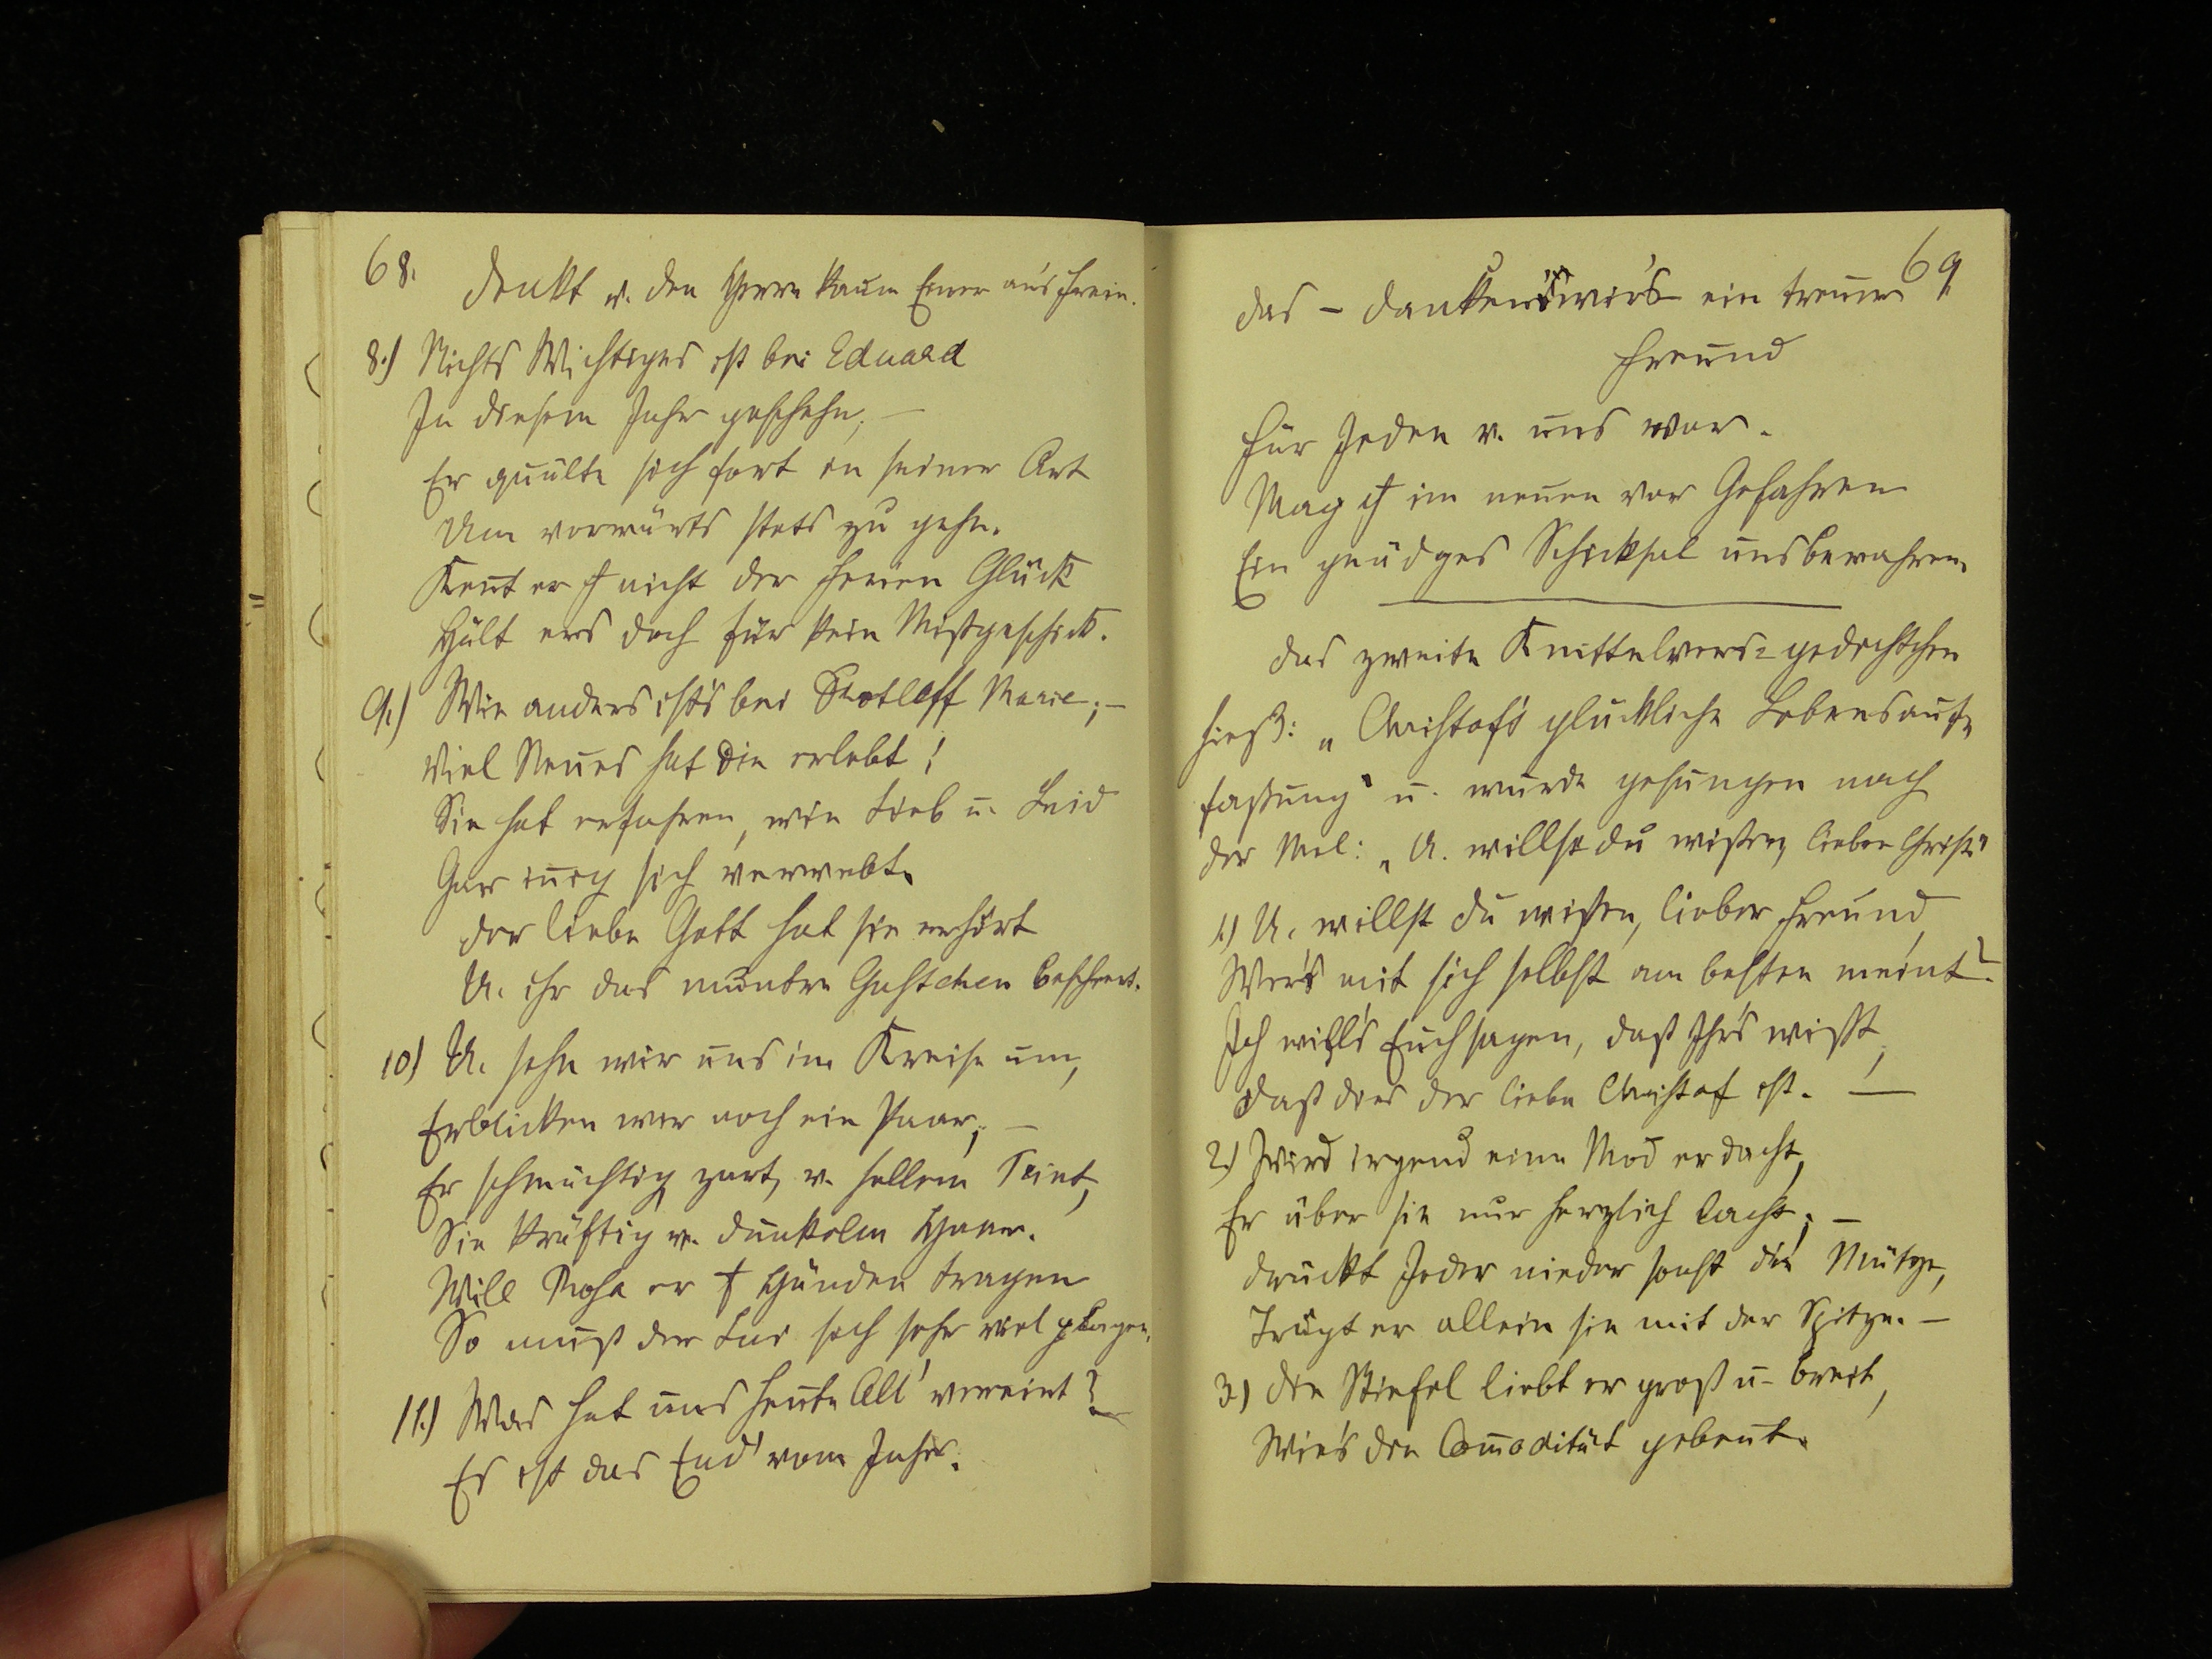68
Denkt von den Herrn kaum Einer an`s herein??
8) Nichts Wichtiges ist bei Eduard
In diesem Jahr geschehen. -
Er quält sich fort in seiner Art
Um vorwärts steht stets zu gehen.
Kent er ??? nicht der Horen Glück
Hält ers doch für kein Mißgeschick.
9) Wie anders ist`s bei Drotleff Marie
Viel Neues hat die erlebt !
Sie hat erfahrn, wie Leib und Leid
Gar innig sich verwebt
Der liebe Gott hat sie erhört
U. ihr das muntre Gustchen beschert.
10) Und sehen wir uns im Kreise um,
Erblicken wir noch ein Paar, -
Er schmächtig zart, von hellem Teint
Sie kräftig v. dunklem Haar
Will Proha er ??? Händen tragen
So muß der Lui sich sehr viel plagen
11) Was hat uns heute All vereint ?
Es ist das End‘ vom Jahr------
69
Das - dankenswert ein treuer
Freund
Für jeden von uns war.
Mag auch im neuen vor Gefahren
Ein gnädges Schicksal uns bewahren
Das zweite Knittelvers Gedichtchen
hieß: „ Christofs glückliche Lebensauf¬
fassung und wurde gesungen nach
der Mel.: „U. willst du wissen lieber Christ „?
1) U. willst Du wißen, lieber Freund
Wer's mit sich selbst am besten meint ?
Ich will Euch sagen, dass Ihr's wißt,
daß dies der liebe Christof ist. -
2) Wird irgend eine Mod erdacht
Er über sie nur herzlich lacht, -
drückt Jeder nieder sonst die Mütze -
Trägt er allein sie mit der Spitze. -
3) Die Stiefel liebt er groß und breit,
Wie's der Comodität gebeut.